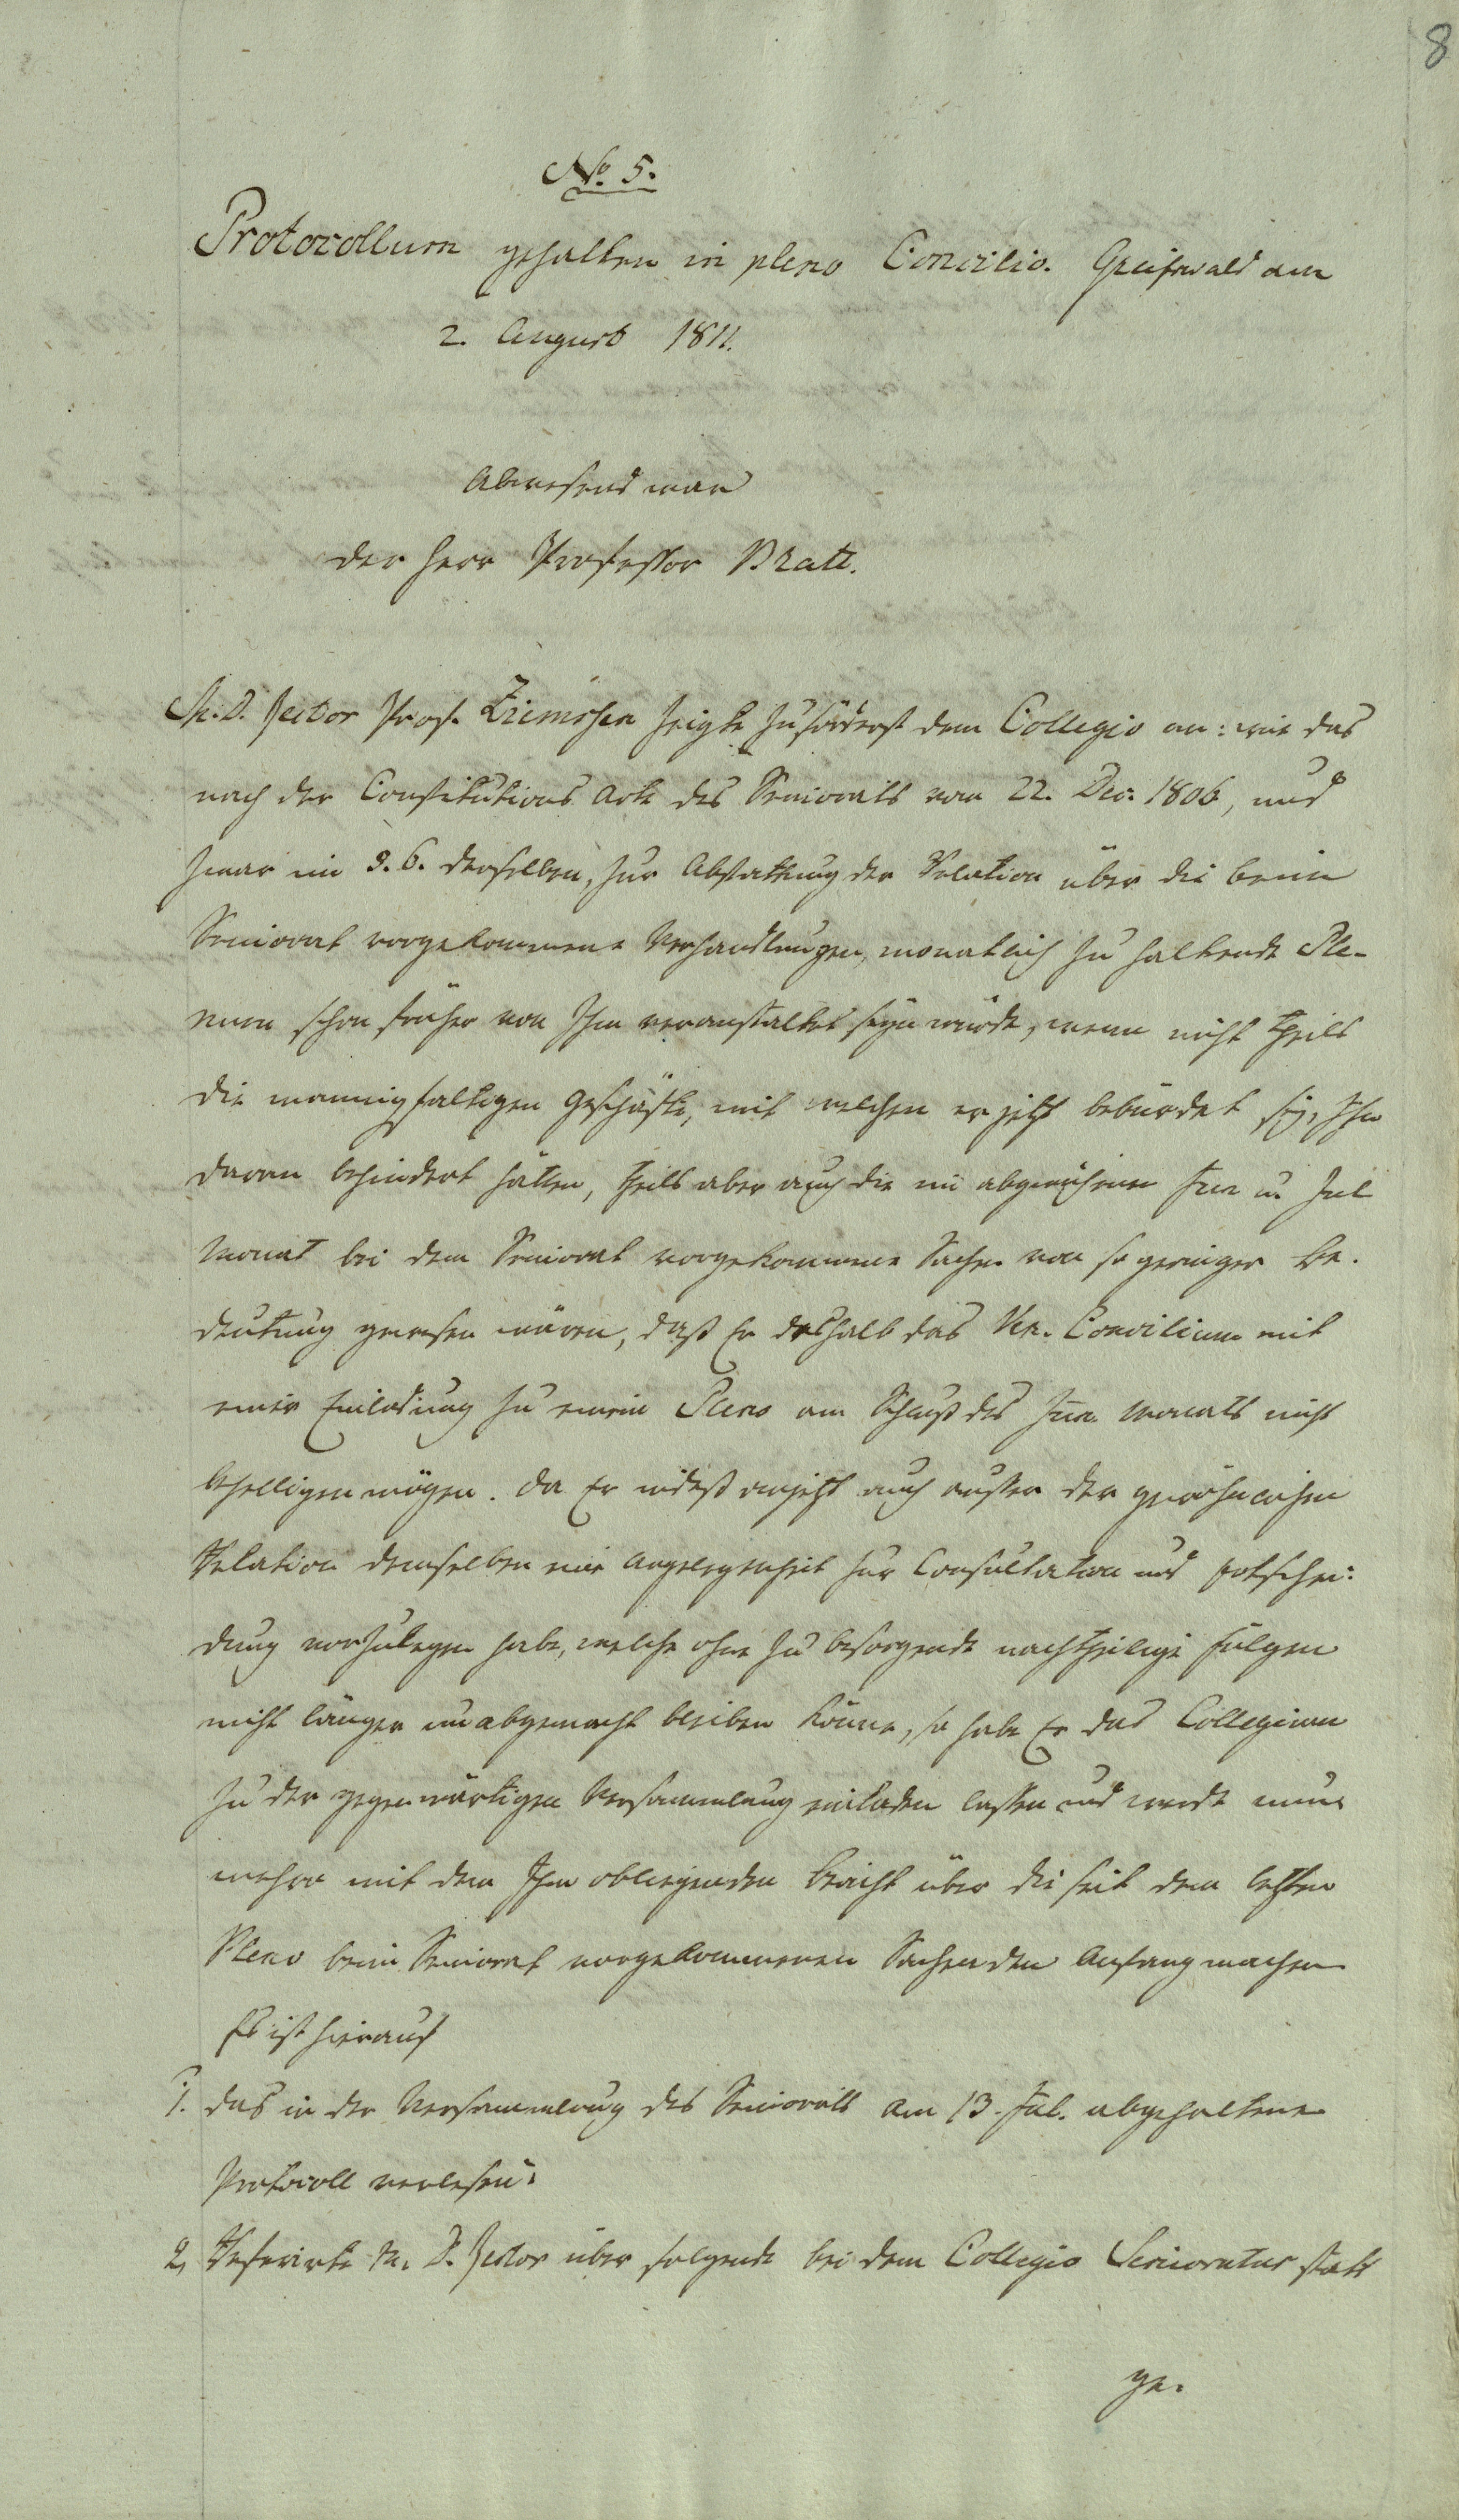Nº 5.
Protocollum gehalten in pleno Concilio. Greifswald am
2. August 1811.
Abwesend war
der herr Professor Bratt.
M. D. Rector Prof. Ziemssen zeigte zuförderst dem Collegio an: wie das
nach der Constitutions Acte des Seniorats vom 22. Dec. 1806, und
zwar im §. 6. derselben, zur Abstattung der Relation über die beim
Seniorat vorgekommene Verhandlungen, monatlich zu haltende Ple¬
num schon früher von Ihm veranstaltet seÿn würde, wenn nicht theils
die mannigfaltigen Geschäfte, mit welchen er jetzt bebürdet seÿ, Ihn
daran gehindert hätten, theils aber auch die im abgewichenen Jun. u Juli
Monat bei dem Seniorat vorgekommene Sachen von so geringer Be¬
deutung gewesen wären, daß Er deshalb das Ven. Concilium mit
einer Einladung zu einem Pleno am Schluß des Jun Monats nicht
behelligen mögen. Da Er indeß anjetzt auch außer der gewöhnlichen
Relation demselben eine Angelegenheit zur Consultation und Entschei¬
dung vorzulegen habe, welche ohne zu besorgende nachtheilige Folgen
nicht länger unabgemacht bleiben könne, so habe Er das Collegium
zu der gegenwärtigen Versammlung einladen lassen und werde nun¬
mehro mit dem Ihm obliegenden Bericht über die seit dem letzten
Pleno beim Seniorat vorgekommenen Sachen den Anfang machen.
Es ist hierauf
1. das in der Versammlung des Seniorats am 13. Jul. abgehaltene
Protocoll verlesen.
2, Referirte M. D. Rector über folgende bei dem Collegio Senioratus statt
ge.